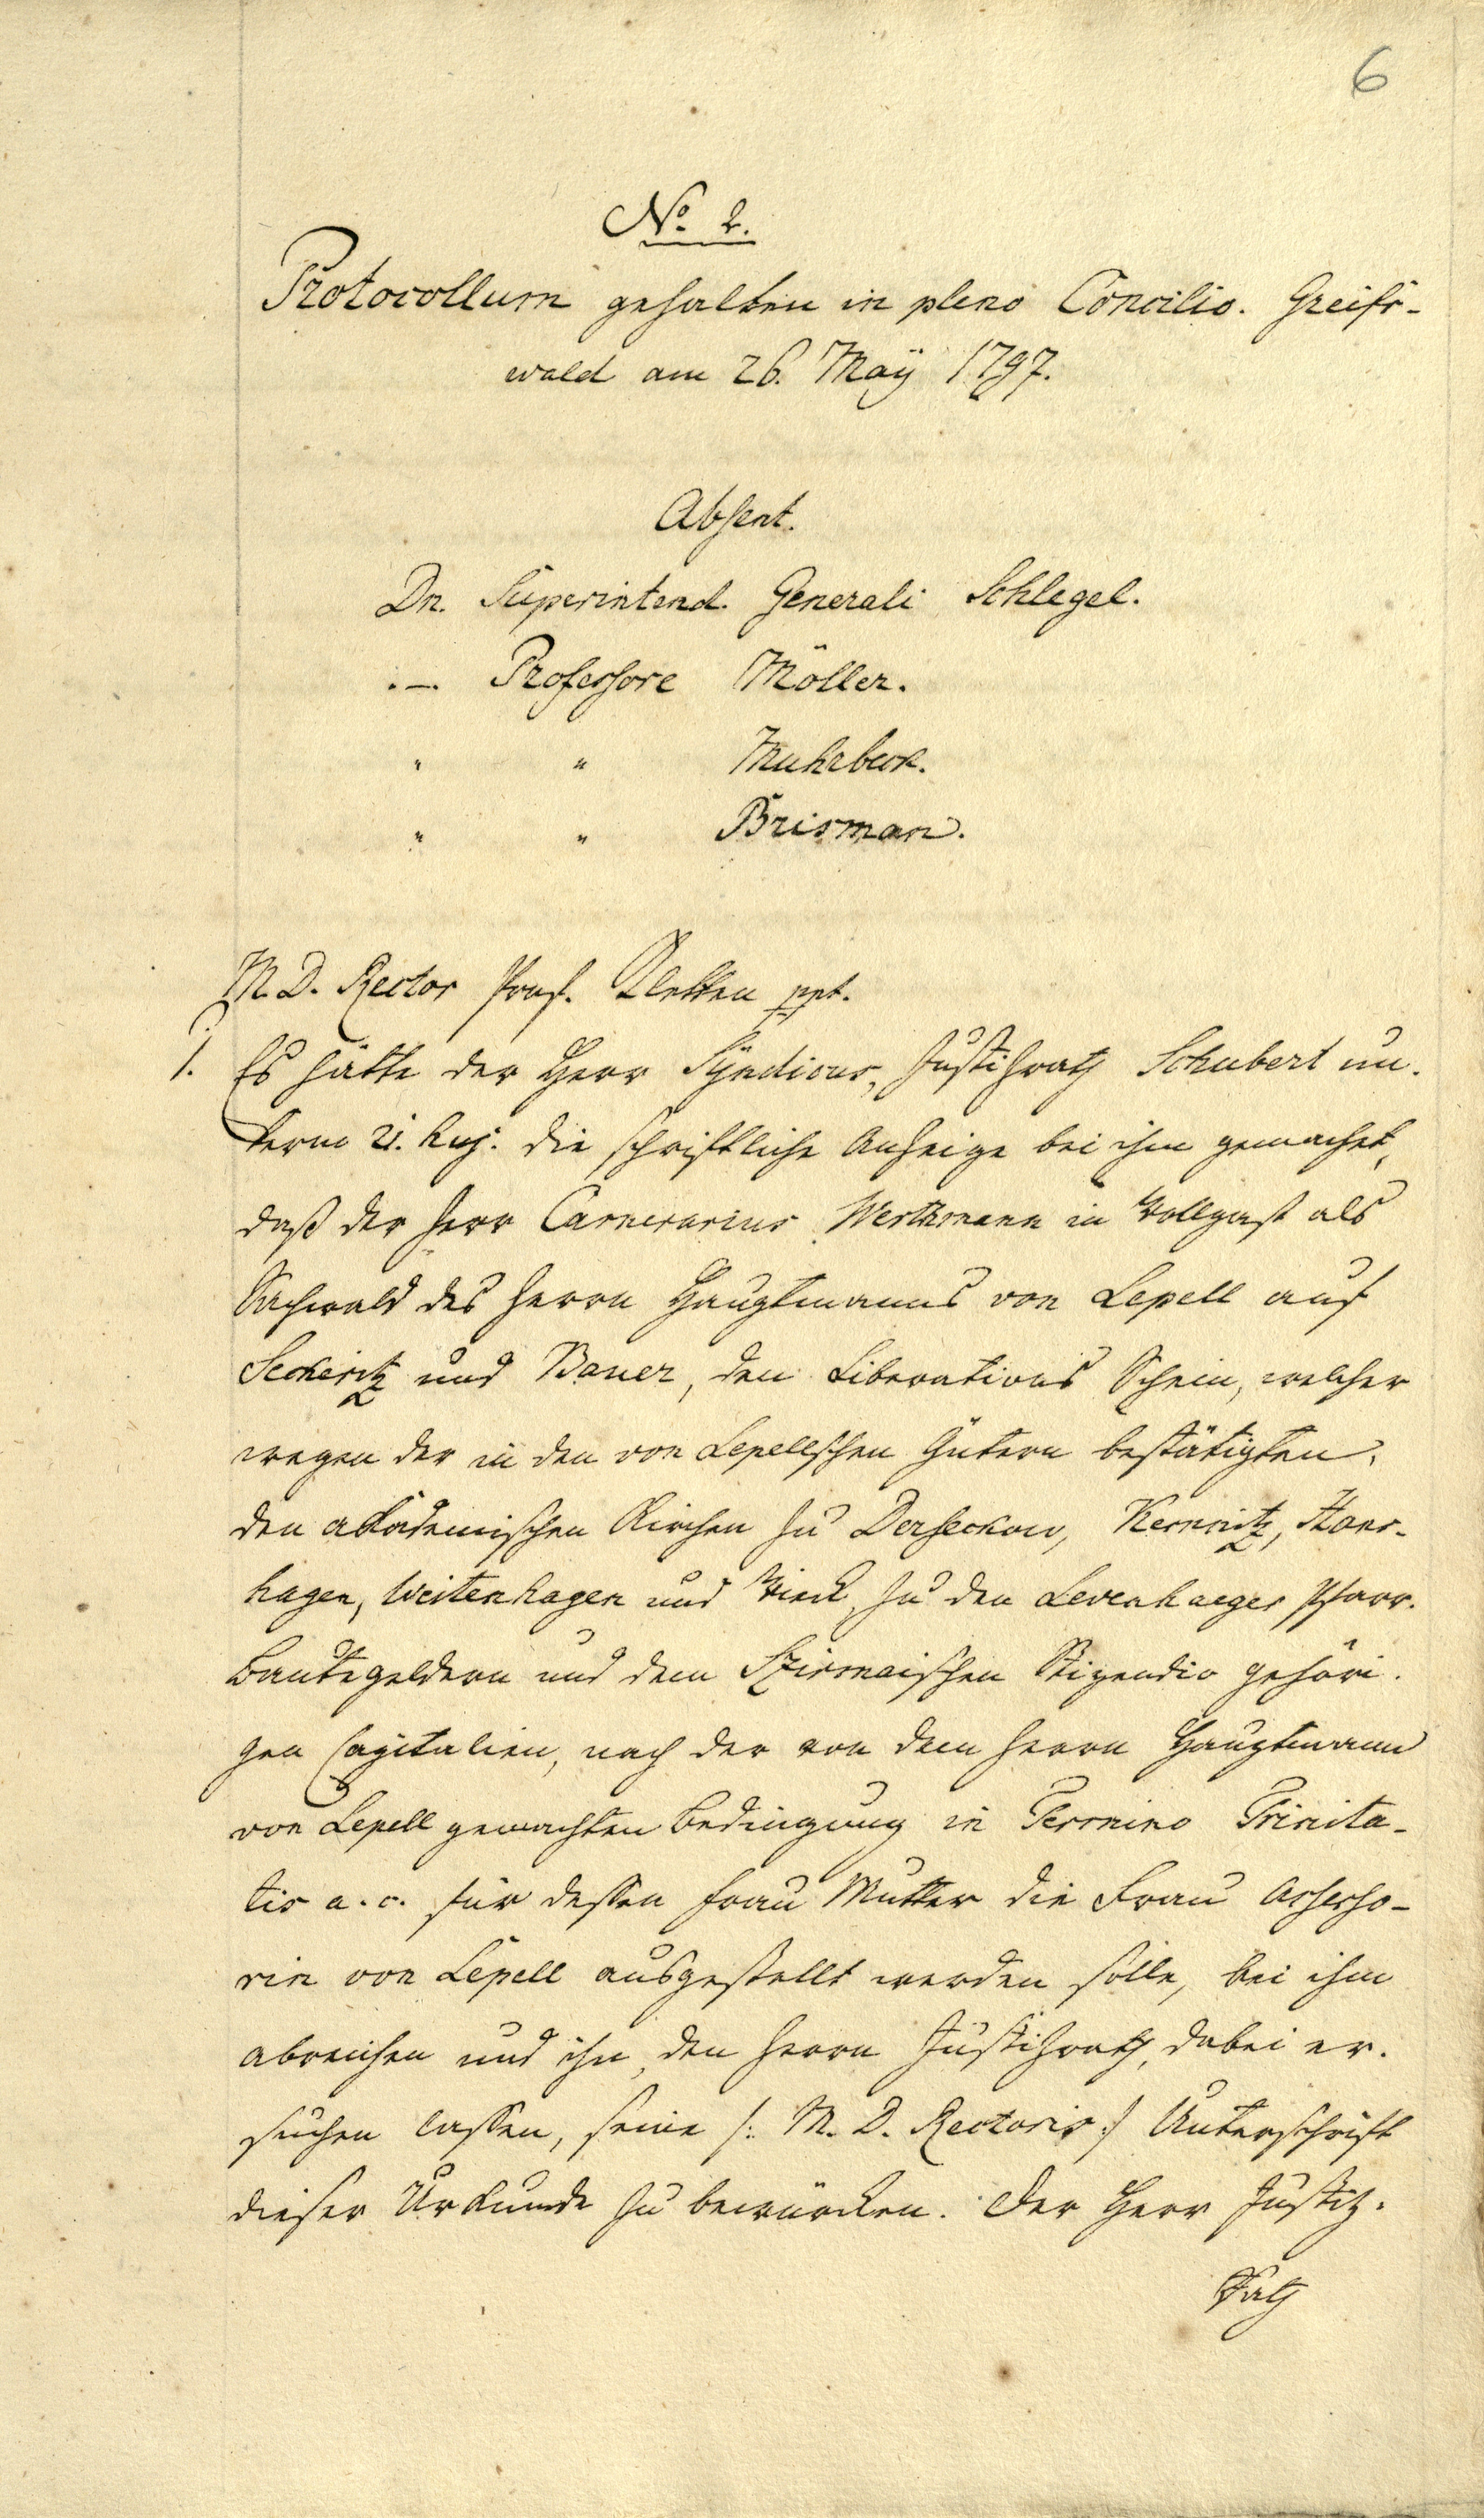Nº 2.
Protocollum gehalten in pleno Concilio. Greifs¬
wald am 26. Maÿ 1797.
Absent.
Dn. Superintend. Generali Schlegel.
Professore Möller.
Muhrbeck.
Brisman.
M. D. Rector Prof. Kletten ppt.
1. Es hätte der Herr Sÿndicus, Justizrath Schubert un¬
term 21. huj. die schriftliche Anzeige bei ihm gemachet,
daß der herr Camerarius Werthmann in Wollgast als
Sachwald des herrn Hauptmanns von Lepell auf
Seckeritz und Bauer, den Liberations Schein, welcher
wegen der in den von Lepellschen Gütern bestätigten
den akademischen Kirchen zu Dersekow, Kemnitz, Hans¬
hagen, Weitenhagen und Wieck zu den Levenhaeger Pfarr¬
Bautegeldern und dem Szirmaischen Stipendio gehöri¬
gen Capitalien, nach der von dem herrn Hauptmann
von Lepell gemachten Bedingung in Termino Trinita¬
tis a. c. für dessen Frau Mutter die Frau Assesso¬
rin von Lepell ausgestellt werden solle, bei ihm
abreichen und ihn den herrn Justizrath, dabei er¬
suchen lassen, seine / M. D. Rectoris / Unterschrift
dieser Urkunde zu bewürcken. Der Herr Justiz-
Rath